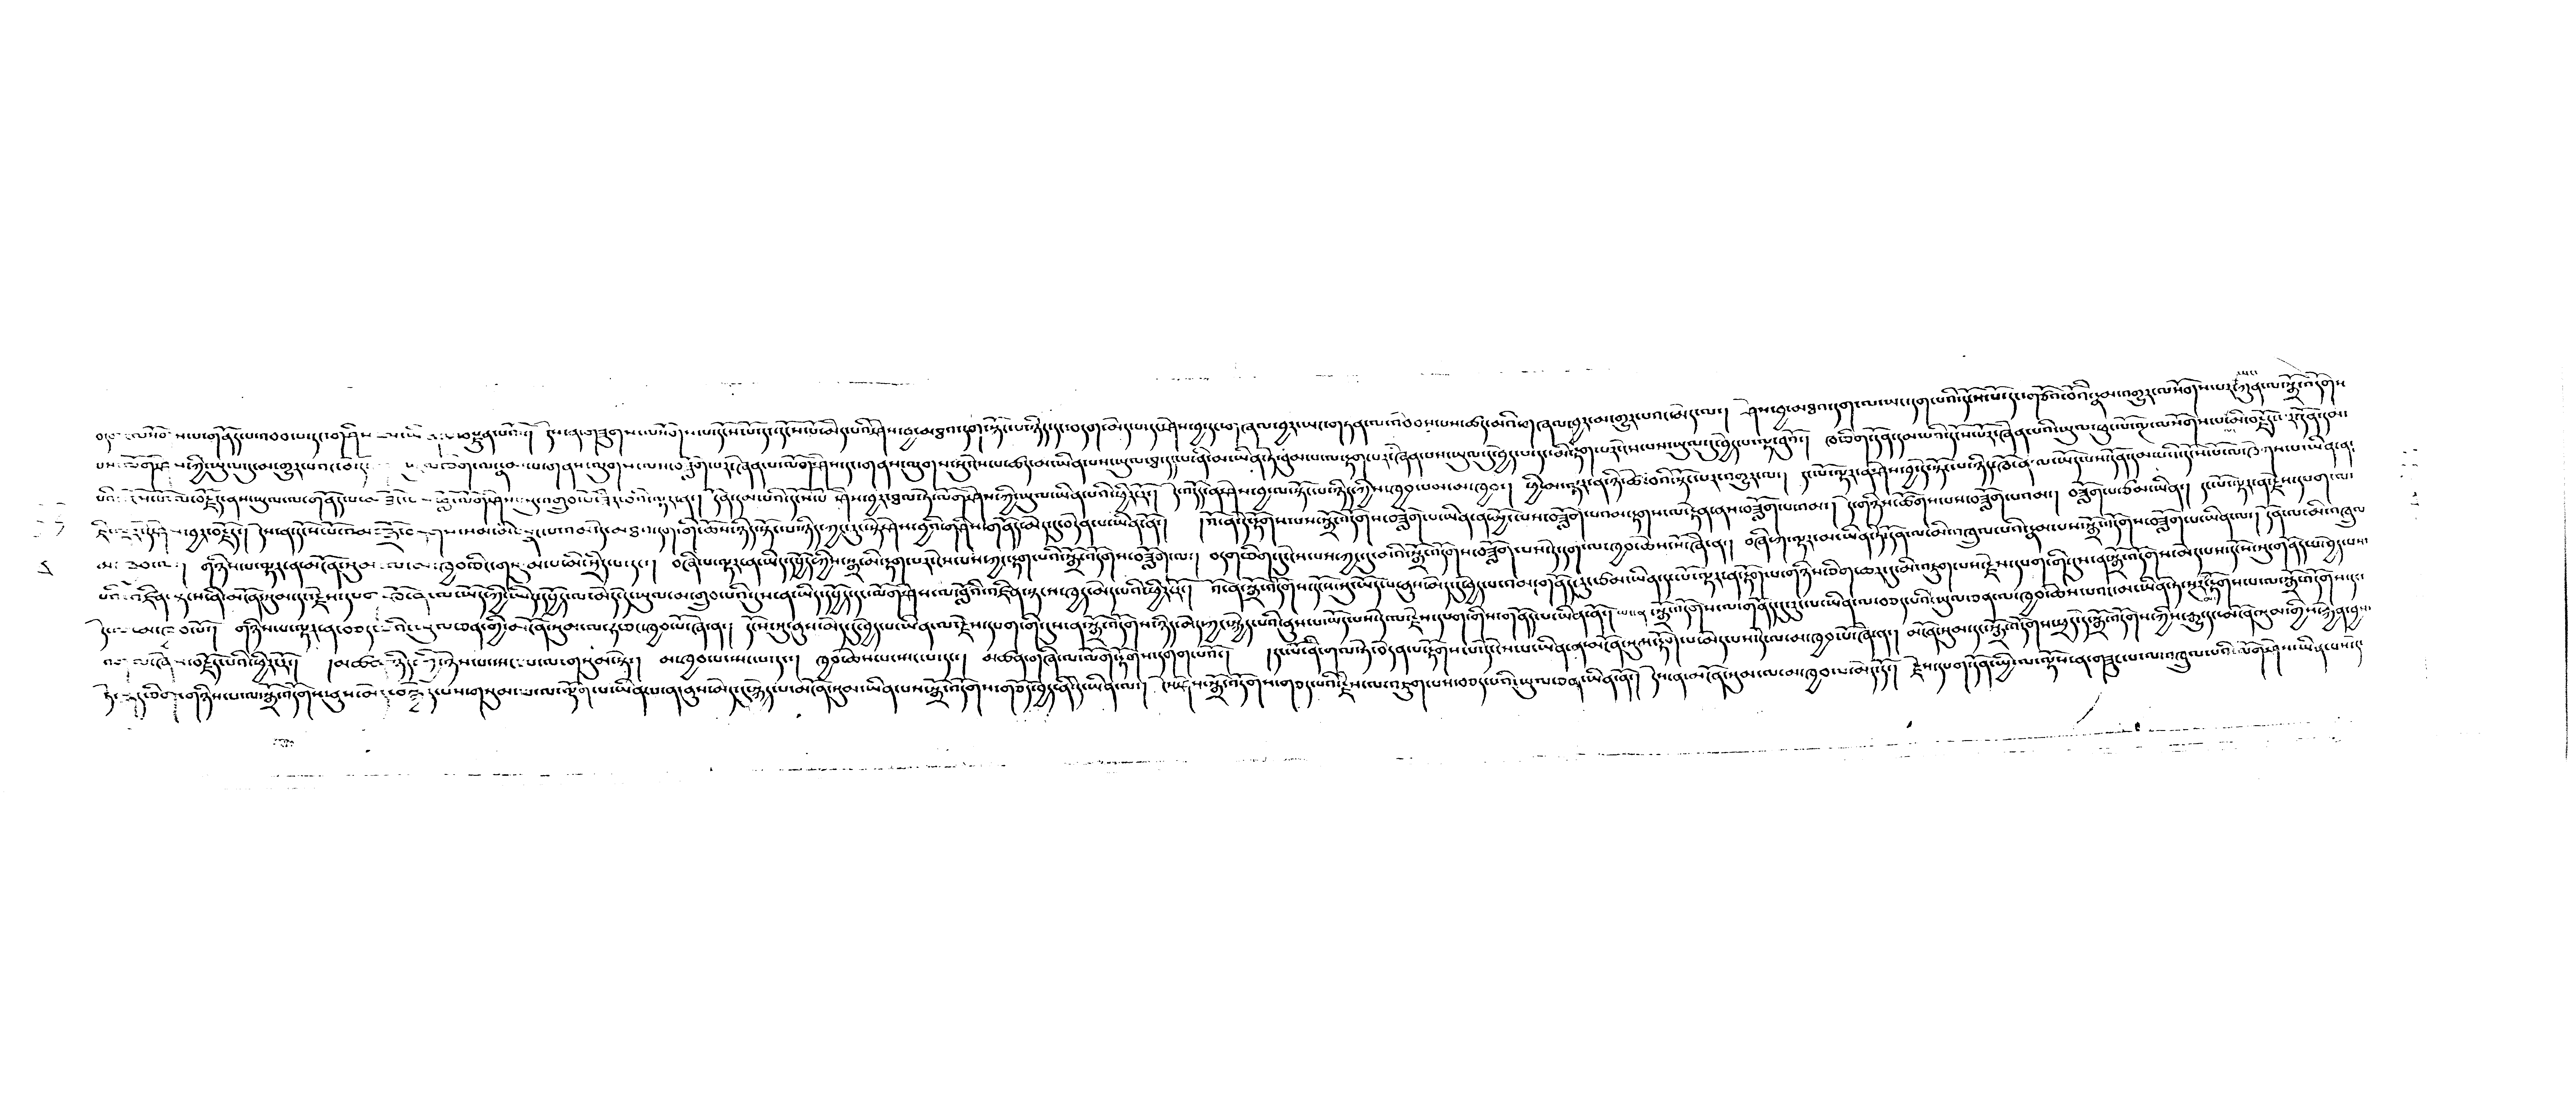བདག་ལ་སོགས་པ་གནོད་པ་འབབ་པ་དང་གཤིས་མ་ཡིན་པ་བརྫུན་པའོ། དེས་ན་གཟུགས་ལ་སོགས་པ་དངོས་པོ་དང་དངོས་པོ་མིད་པའི་ཤེས་བྱ་མཐའ་དག་སྟོང་པ་ཉིད་དང་བདག་མེད་པ་དང་ཤེས་བྱ་དང་གཞལ་བྱར་ཡང་གཏན་ལ་འབེབས་པས་ཚད་མའི་གཞལ་བྱར་མ་གྱུར་པའང་མེད་ལ། ཤེས་བྱ་མཐའ་དག་ལ་ཡང་དག་པའི་དངོས་པོ་དང་གཙོ་བོའི་རྣམ་འགྱུར་ལ་སོགས་པར་ཡང་ཀུན་ལ་སྒྲོ་འདོགས་
པས་ལོག་ཤས་ཀྱི་ཡུལ་དུ་མ་གྱུར་པའང་མེད་དེ། ཡུལ་ཅིག་ལ་རྣམ་པ་གནས་ལུགས་ལས་བཟློག་པར་ཞེན་པ་ལོག་ཤིས་དང་གནས་ལུགས་སུ་ངེས་པ་ཚད་མ་ཡིན་པས་ཡུལ་ཐ་དད་པ་ནི་མ་ཡིན་ཏེ་བུམ་པ་ལ་རྟག་པར་ཞེན་པས་ཡུལ་དུ་བྱེད་པ་དང་མི་རྟག་པར་ངེས་པས་ཡུལ་དུ་བྱེད་པ་ལྟ་བུའོ། ཁ་ཅིག་དོན་དམ་པའི་དངོས་པོར་ཞེན་པའི་ཡུལ་ཕུང་པོ་ལྔ་ལ་སོགས་པ་མ་མི་བརྗོད་པར་དོན་དམ་
པའི་དངོས་པོ་ལ་བརྗོད་ནས་ཡུལ་ལ་གནོད་པ་མཐོང་པས་བློ་ལོག་ཤེས་སུ་འགྲུབ་པོ་ཟེར་བའི་ལྟར་ན། དོན་དམ་པའི་དངོས་པོ་ཤེས་བྱར་ཐལ་ཏེ་ལོག་ཤེས་ཀྱི་ཡུལ་ཡིན་པའི་ཕྱིར་རོ། དེ་འདོད་ན་ཤེས་བྱ་ལ་སྟོང་པ་ཉིད་ཀྱིས་ཁྱབ་པས་མ་ཁྱབ། ཕྱི་མ་ལྟར་ན་ཉི་ཚེ་བའི་སྟོང་པར་འགྱུར་ལ། དང་པོ་ལྟར་ན་ཤེས་བྱ་དེ་སྟོང་པ་ཉིད་ཁོ་ན་ལ་ཡོད་པས་དོན་དམ་པའི་དངོས་པོ་ལ་ཁེགས་པ་ཡིན་ན་
ཇི་ལྟར་དེ་ཤེས་བྱར་བརྗོད། དེས་ན་དངོས་པོ་འམ་སྒྲོ་བཏགས་སམ་མི་སྣང་པ་འམ་དེ་མཐའ་དག་གི་ཆོས་ཉིད་སྟོང་པ་ཉིད་ཀྱང་རུང་སྟེ་ཤེས་བྱའི་གཤིས་གནོད་མེད་དུ་བདེན་པ་ཡིན་ནོ། །འོ་ན་དེ་རྟོགས་པས་སྒྲོ་དོགས་བཟློག་པ་ཡིན་ན་མྱོང་པས་བཟློག་པའམ་རྟག་ལ་རྟེན་ནས་བཟློག་པ་འམ། དེ་གཉིས་ཚོགས་པས་བཟློག་པའམ། བཟློག་པ་ཙམ་ཡིན། དང་པོ་ལྟར་ན་རྗེས་དཔག་ལ་
མ་ཁྱབ་ལ། གཉིས་པ་ལྟར་ན་མངོན་སུམ་ལ་མ་ཁྱབ་ཅིང་གསུམ་པ་མི་སྲིད་པ་དང་། བཞི་པ་ལྟར་ན་ཡིད་དཔྱོད་ཀྱིས་སྒྲ་མི་རྟག་པར་ངེས་པས་ཀྱང་རྟག་པའི་སྒྲོ་འདོགས་བཟློག་ལ། བདག་ཅིག་དུ་ངེས་པས་ཀྱང་དུ་བའི་སྒྲོ་འདོགས་བཟློག་པས་དེ་དག་ལ་ཁྱབ་ཆོས་སོ་ཞེ་ན། བཞི་ཀ་ལྟར་མ་ཡིན་ཏེ་དོན་ལ་མི་འཁྲུལ་པའི་རྣམ་པས་སྒྲོས་དོགས་བཟློག་པ་ཡིན་ལ། དོན་ལ་མི་འཁྲུལ་
པའི་འཛིན་སྟངས་ནི་མངོན་སུམ་དང་རྗེས་དཔག་ཁོ་ན་ལ་ཡོད་ཀྱི་ཡིད་དཔྱོད་ལ་མེད་དེ་ཡུལ་མ་གྲུབ་པའི་དུས་ན་ཡིད་དཔྱོད་དང་ལོག་ཤེས་ལ་བློའི་འཛིན་སྟངས་ཁྱད་མེད་པའི་ཕྱིར་རོ། འོ་ན་སྒྲོ་འདོགས་དངོས་སུ་ཡོད་པ་ནུས་མེད་དུ་བྱེད་པ་འམ་གནོད་རུང་ཙམ་ཡིན་དང་པོ་ལྟར་ན་རྟོག་པ་གཉིས་ཅིག་ཆར་དུ་མི་འཇུག་པས་རྗེས་དཔག་གི་དུས་ན་སྒྲོ་འདོགས་མེད་པས་དངོས་སུ་གནོད་པ་བྱེད་པས་
དེ་ལ་མ་ཁྱབ་པོ། གཉིས་པ་ལྟར་ན་བཅད་པའི་ཡུལ་ཅན་གྱི་མངོན་སུམ་ལ་ཧ་ཅང་ཁྱབ་པོ་ཞེ་ན། དངོས་སུ་ནུས་མེད་དུ་བྱེད་པ་ཡིན་ལ་རྗེས་དཔག་གི་དུས་ན་སྒྲོ་འདོགས་ཉིད་མེད་ཀྱང་སྐྱེད་པའི་ནུས་པ་ཡོད་པས་དེ་ལ་རྗེས་དཔག་གིས་གནོད་པ་ཡིན་ནོ། ཡང་ན་སྒྲོ་འདོགས་ལ་གནོད་དུ་རུང་པ་ཡིན་ལ་བཅད་པའི་ཡུལ་ཅན་ལ་ཁྱབ་ཆེས་པའང་མ་ཡིན་ཏེ་སྔར་མ་རྟོགས་པ་ལ་སྒྲོ་འདོགས་དང་
འགལ་ཞེས་བརྗོད་པའི་ཕྱིར་རོ། །མཚན་ཉིད་ཀྱི་ཉེས་པ་སངས་པ་ལ་གསུམ་སྟེ། མ་ཁྱབ་པ་སྤངས་པ་དང་། ཁྱབ་ཆེས་པ་སྤང་པ་དང་། མཚན་གཞི་ལ་ལོག་རྟོགས་དགག་པའོ། །དང་པོ་ནི་གལ་ཏེ་བདེན་པ་རྟོགས་པ་དེ་ངེས་པ་ཡིན་ན་མངོན་སུམ་རྟོག་པ་མེད་པས་དེ་ལ་མ་ཁྱབ་པོ་ཞེ་ན། མངོན་སུམ་དང་སྒྲོ་འདོགས་སྤྲད་དེ་སྒྲོ་འདོགས་ཀྱིས་རྒྱུ་དང་མངོན་སུམ་གྱིས་རྐྱེན་བྱས་
ཏེ་སྐད་ཅིག་གཉིས་པ་ལ་སྒྲོ་འདོགས་ནུས་མེད་བསྐྱེད་པས་གསུམ་པ་ལ་ལྡོག་པ་ཡིན་པ་ན་ནུས་མེད་དུ་སྐྱེད་པ་མངོན་སུམ་ཡིན་པས་སྒྲོ་འདོགས་གཅོད་བྱེད་ནི་དེ་ཡིན་ལ། ངེས་ཤེས་སྒྲོ་འདོགས་གཅད་པའི་རྗེས་ལ་འཇུག་པས་བཅད་པའི་ཡུལ་ཅན་ཡིན་ནོ། དེས་ན་མངོན་སུམ་ལ་མ་ཁྱབ་པ་མེད་དོ། རྗེས་དཔག་དོན་སྤྱི་ལ་ལྟོས་ན་གཟུང་པ་ལ་འཁྲུལ་པའི་ལོག་ཤེས་ཡིན་པས་དེ་